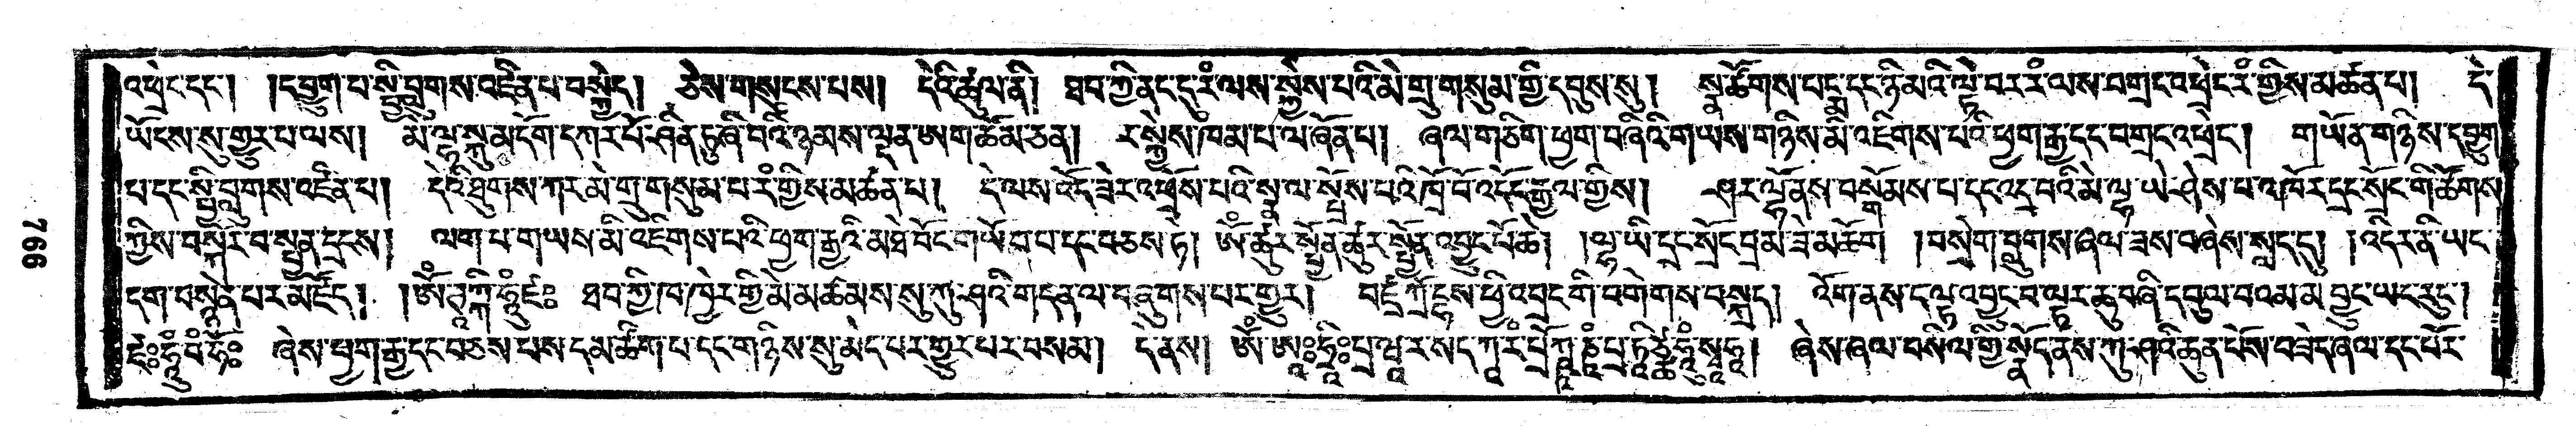འཕྲེང་དང་། །དབྱུག་པ་སྤྱི་བླུགས་འཛིན་པ་བསྐྱེད། ཅེས་གསུངས་པས། དེའི་ཚུལ་ནི། ཐབ་ཀྱི་ནང་དུ་རཾ་ལས་སྐྱེས་པའི་མེ་གྲུ་གསུམ་གྱི་དབུས་སུ། སྣ་ཚོགས་པདམ་དང་ཉི་མའི་ལྟེ་བར་རཾ་ལས་བགྲང་འཕྲེང་རཾ་གྱིས་མཚན་པ། དེ་
ཡོངས་སུ་གྱུར་པ་ལས། མེ་ལྷ་སྐུ་མདོག་དཀར་པོ་ཤིན་ཏུ་ཞི་བའི་ཉམས་ལྡན་ཨག་ཆོམ་ཅན། ར་སྐྱེས་ཁམ་པ་ལ་ཞོན་པ། ཞལ་གཅིག་ཕྱག་བཞིའི་གཡས་གཉིས་མི་འཇིགས་པའི་ཕྱག་རྒྱ་དང་བགྲང་འཕྲེང་། གཡོན་གཉིས་དབྱུག་
པ་དང་སྤྱི་བླུགས་འཛིན་པ། དེའི་ཐུགས་ཀར་མེ་གྲུ་གསུམ་པ་རཾ་གྱིས་མཚན་པ། དེ་ལས་འོད་ཟེར་འཕྲོས་པའི་སྣ་ལ་སྤྲོས་པའི་ཁྲོ་བོ་འདོད་རྒྱལ་གྱིས། ཤར་ལྷོ་ནས་བསྒོམས་པ་དང་འདྲ་བའི་མེ་ལྷ་ཡེ་ཤེས་པ་འཁོར་དྲང་སྲོང་གི་ཚོགས་
ཀྱིས་བསྐོར་བ་སྤྱན་དྲངས། ལག་པ་གཡས་མི་འཇིགས་པའི་ཕྱག་རྒྱའི་མཐེ་བོང་གཡོག་པ་དང་བཅས་ཏེ། ཨོཾ་ཚུར་སྤྱོན་ཚུར་སྤྱོན་འབྱུང་པོ་ཆེ། །ལྷ་ཡི་དྲང་སྲོང་བྲམ་ཟེ་མཆོག །བསྲེག་བླུགས་ཞལ་ཟས་བཞེས་སླད་དུ། །འདིར་ནི་ཡང་
དག་བསྙེན་པར་མཛོད། །ཨོཾ་ཊཱཀྐི་ཧཱུཾ་ཛཿ ཐབ་ཀྱི་ཁ་ཁྱེར་གྱི་མེ་མཚམས་སུ་ཀུ་ཤའི་གདན་ལ་བཞུགས་པར་གྱུར། བཛྲ་ཀྲོ་དྷས་ཕྱི་འབྲང་གི་བགེགས་བསྐྲད། འོག་ནས་ད་ལྟ་འབྱུང་བ་ལྟར་ཆུ་བཞི་དབུལ་བའམ་མ་བྱུང་ཡང་རུང་།
ཛཿཧཱུཾ་བཾ་ཧོཿ ཞེས་ཕྱག་རྒྱ་དང་བཅས་པས་དམ་ཚིག་པ་དང་གཉིས་སུ་མེད་པར་གྱུར་པར་བསམ། དེ་ནས། ཨོཾ་ཨཱཿཧྲཱིཿཔྲ་ཝཱ་ར་སད་ཀཱ་རཾ་པྲོཀྵཱ་ཎཱཾ་པྲ་ཏཱིཙྪ་ཧཱུཾ་སྭཱཧཱ། ཞེས་ཞལ་བསིལ་གྱི་སྣོད་ནས་ཀུ་ཤའི་ཆུན་པོས་བཟེད་ཞལ་དང་པོར་